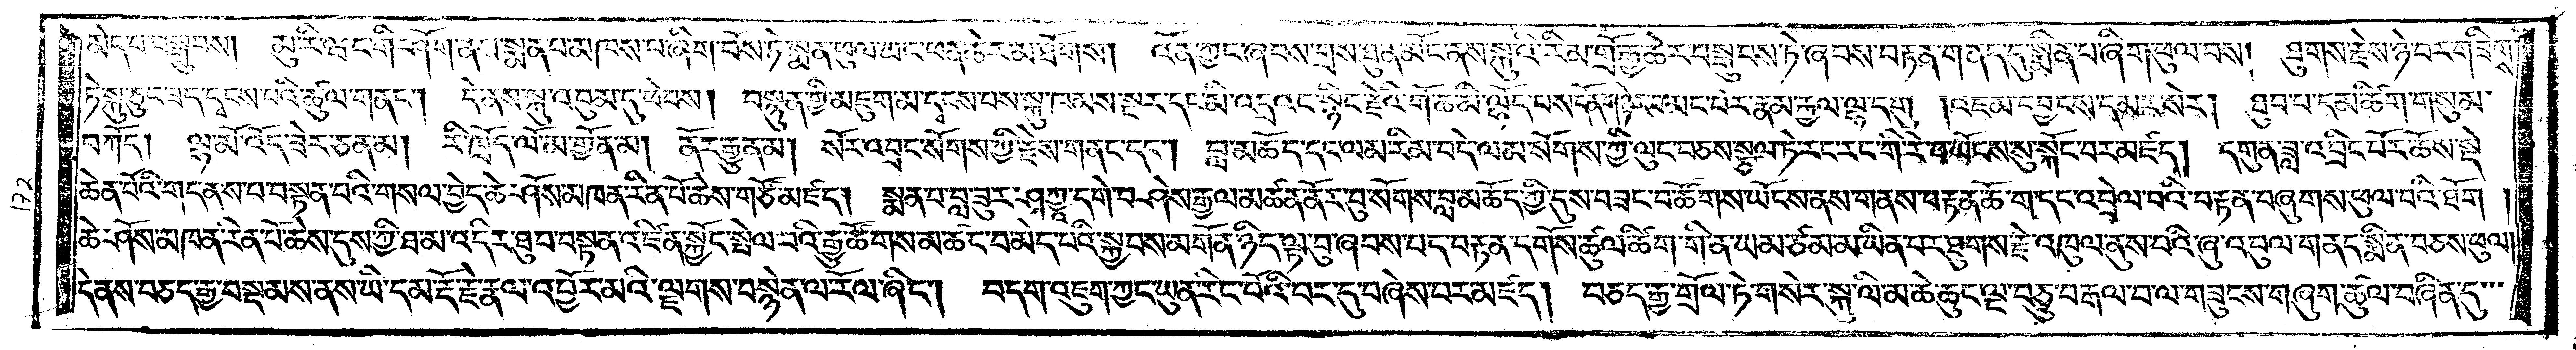མེད་པ་བསྒྲུབས། མུ་རི་ཝང་གི་ཤོག་ནས་སྨན་པ་མཁས་པ་ཞིག་བོས་ཏེ་སྨན་ཕུལ་ཡང་ཕན་ཆེར་མ་ཐོགས། འོན་ཀྱང་ཞབས་གྲས་ཐུན་མོང་ནས་སྐུའི་རིམ་གྲོ་རྒྱ་ཆེར་བསྒྲུབས་ཏེ་ཞབས་བརྟན་གནད་དུ་སྨིན་པ་ཞིག་ཕུལ་བས། ཐུགས་རྗེས་ཉེ་བར་གཟིགས་
ཏེ་སྐུ་ཅུང་ཟད་དྭངས་པའི་ཚུལ་གནང་། དེ་ནས་སྐུ་འབུམ་དུ་ཕེབས། བསྙུན་གྱི་མཇུག་མ་དྭངས་བས་སྐུ་ཁམས་སྔར་དང་མི་འདྲའང་སྙིང་རྗེའི་གོ་ཆ་མི་ལྷོད་པས་དོན་གཉེར་བ་མང་པོར་རྣམ་རྒྱལ་ལྷ་དགུ །འཇམ་དབྱངས་དམར་སེར། ཐུབ་པ་དམ་ཚིག་གསུམ་
བཀོད། ལྷ་མོ་འོད་ཟེར་ཅན་མ། རི་ཁྲོད་ལོ་མ་གྱོན་མ། ནོར་རྒྱུན་མ། སོར་འབྲང་སོགས་ཀྱི་རྗེས་གནང་དང་། བླ་མཆོད་དང་ལམ་རིམ་བདེ་ལམ་སོགས་ཀྱི་ལུང་བཅས་སྩལ་ཏེ་རང་རང་གི་རེ་བ་ཡོངས་སུ་སྐོང་བར་མཛད། དགུན་ཟླ་འབྲིང་བོར་ཆོས་སྡེ་
ཆེན་པོའི་གདན་ས་པ་བསྟན་པའི་གསལ་བྱེད་ཆེ་ཤོས་མཁན་རིན་པོ་ཆེས་གཙོ་མཛད། སྨན་བ་བླ་ཟུར་ཤཀྱཱ་དགེ་བཤེས་རྒྱལ་མཚན་ནོར་བུ་སོགས་བླ་མཆོད་ཀྱི་དུས་བཟང་བ་ཚོགས་ཡོངས་ནས་གནས་བརྟན་ཆོ་ག་དང་འབྲེལ་བའི་བརྟན་བཞུགས་ཕུལ་བའི་ཐོག་
ཆེ་ཤོས་མཁན་རིན་པོ་ཆེས་དུས་ཀྱི་ཐ་མ་འདིར་ཐུབ་བསྟན་འཛིན་སྐྱོང་སྤེལ་བའི་རྒྱུ་ཚོགས་མ་ཚང་བ་མེད་པའི་སྐྱབས་མགོན་ཉིད་ལྟ་བུ་ཞབས་པད་བརྟན་དགོས་ཚུལ་ཚིག་གི་ན་ཡམ་ཙམ་མ་ཡིན་པར་ཐུགས་རྗེ་འཁུལ་ནུས་པའི་ཞུ་འབུལ་གནད་སྨིན་བཅས་ཕུལ་
དེ་ནས་བཅད་རྒྱ་བསྔམས་ནས་ཡི་དམ་རྡོ་རྗེ་རྣལ་འབྱོར་མའི་ལྗགས་བསྙེན་ལ་རོལ་ཞིང་། བདག་འཇུག་གྱང་ཡུན་རིང་པོའི་བར་དུ་བཞེས་པར་མཛད། བཅད་རྒྱ་གྲོལ་ཏེ་གསེར་སྐུ་ལི་མ་ཆེ་ཆུང་ལྔ་བཅུ་བརྒལ་བ་ལ་གཟུངས་གཞུག་ཚུལ་བཞིན་དུ་